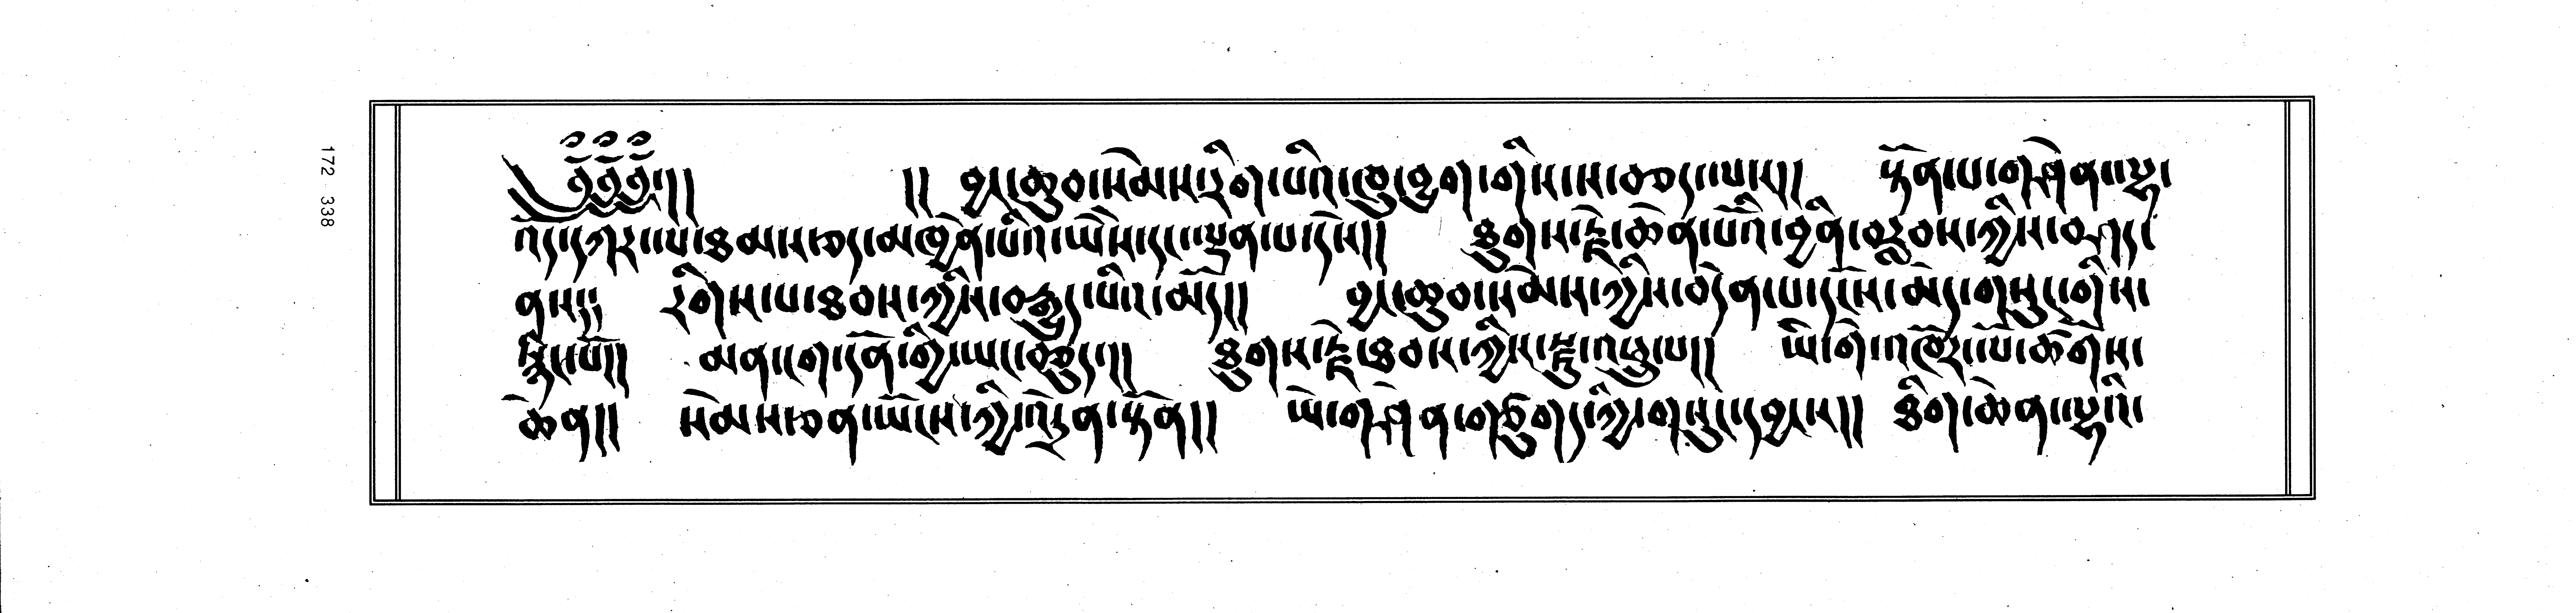༄༅༅།། །།བྱང་ཆུབ་སེམས་རིག་པའི་ཁུ་བྱུག་གི་ས་བཅད་ལས། སྟོན་པ་གཤེན་ལྷ་
འོད་དཀར་ལ་ཐམས་ཅད་མཁྱེན་པའི་ཡེ་ཤེས་དང་ལྡན་པ་དེས། ཐུགས་རྗེ་ཆེན་པོའི་བྱིན་བརླབས་ཀྱིས་བཤད་
ནས། རིག་པ་ཐབས་ཀྱིས་བརྒྱུད་པའི་མདོ། བྱང་ཆུབ་ཀྱིས་སེམས་ཀྱིས་བདེན་པ་དངོས་མེད་གསུང་གིས་
སྙིང་པོ། མན་ངག་དོན་གྱི་ཡང་བཅུད། ཐུགས་རྗེ་ཐབས་ཀྱིས་རྫུ་འཕྲུལ། ཡི་གེ་འཁོར་ལོ་ཚོགས་
ཆེན། སེམས་ཅན་ཡོངས་ཀྱི་འདྲེན་སྟོན། ཡེ་གཤེན་གཙུག་ཕུད་ཀྱི་གསུང་དབྱངས། ཐིག་ཆེན་ལྷའི་